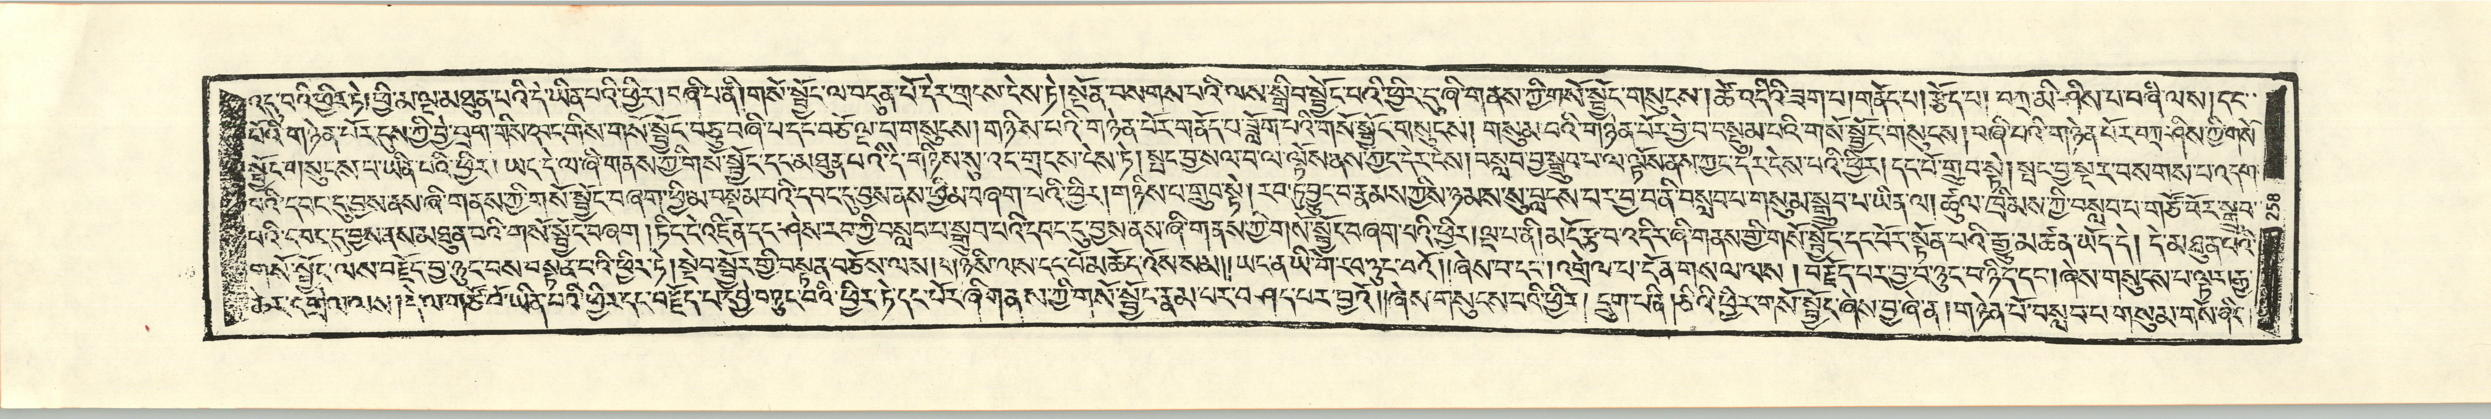འདུ་བའི་ཕྱིར་ཏེ། ཕྱི་མ་ལྔ་མཐུན་པའི་དེ་ཡིན་པའི་ཕྱིར། བཞི་པ་ནི། གསོ་སྦྱོང་ལ་བདུན་པོ་དེར་གྲངས་ངེས་ཏེ། སྔོན་བསགས་པའི་ལས་སྒྲིབ་སྦྱོང་པའི་ཕྱིར་དུ་ཞི་གནས་ཀྱི་གསོ་སྦྱོང་གསུངས། ཚེ་འདིའི་ཟག་པ། གནོད་པ། རྩོད་པ། བཀྲ་མི་ཤིས་པ་བཞི་ལས། དང་
པོའི་གཉེན་པོར་དུས་ཀྱི་བྱེ་བྲག་གིས་འབང་གིས་གསོ་སྦྱོང་བཅུ་བཞི་པ་དང་བཅོ་ལྔ་པ་གསུངས། གཉིས་པའི་གཉེན་པོར་གནོད་པ་ཟློག་པའི་གསོ་སྦྱོང་གསུངས། གསུམ་པའི་གཉེན་པོར་བྱེ་བ་བསྡུམ་པའི་གསོ་སྦྱོང་གསུངས། བཞི་པའི་གཉེན་པོར་བཀྲ་ཤིས་ཀྱི་གསོ་
སྦྱོང་གསུངས་པ་ཡིན་པའི་ཕྱིར། ཡང་དེ་ལ་ཞི་གནས་ཀྱི་གསོ་སྦྱོང་དང་མཐུན་པའི་དེ་གཉིས་སུ་འང་གྲངས་ངེས་ཏེ། སྤང་བྱ་སལ་བ་ལ་ལྟོས་ནས་ཀྱང་དེར་ངེས། བསླབ་བྱ་སྒྲུབ་པ་ལ་ལྟོས་ནས་ཀྱང་དེར་ངེས་པའི་ཕྱིར། དང་པོ་གྲུབ་སྟེ། སྤང་བྱ་སྔར་བསགས་པ་འདག་
པའི་དབང་དུ་བྱས་ནས་ཞི་གནས་ཀྱི་གསོ་སྦྱོང་བཞག་ཕྱི་མ་བསམ་པའི་དབང་དུ་བྱས་ནས་ཕྱི་མ་བཞག་པའི་ཕྱིར། གཉིས་པ་གྲུབ་སྟེ། རབ་ཏུ་བྱུང་བ་རྣམས་ཀྱིས་ཉམས་སུ་བླངས་པར་བྱ་བ་ནི་བསླབ་པ་གསུམ་སྒྲུབ་པ་ཡིན་ལ། ཚུལ་ཁྲིམས་ཀྱི་བསླབ་པ་གཙོ་བོར་སྒྲུབ་
པའི་དབང་དུ་བྱས་ནས་མཐུན་བའི་གསོ་སྦྱོང་བཞག །ཏིང་ངེ་འཛིན་དང་ཤེས་རབ་ཀྱི་བསལབ་པ་སྒྲུབ་པའི་དབང་དུ་བྱས་ནས་ཞི་གནས་ཀྱི་གསོ་སྦྱོང་བཞག་པའི་ཕྱིར། ལྔ་པ་ནི། མདོ་རྩ་བ་འདིར་ཞི་གནས་གྱི་གསོ་སྦྱོང་དང་པོར་སྟོན་པའི་རྒྱུ་མཚན་ཡོད་དེ། དེ་མཐུན་པའི་
གསོ་སྦྱོང་ལས་བརྗོད་བྱ་ཉུང་བས་བསྟན་པའི་ཕྱིར་ཏེ། སྡེབ་སྦྱོར་གྱི་བསྟན་བཅོས་ལས། གཉིས་ལས་དང་པོ་མཆོད་འོས་སམ། །ཡང་ན་ཡི་གེ་རབ་ཉུང་བའོ། །ཞེས་པ་དང་། འགྲེལ་པ་དོན་གསལ་ལས། བརྗོད་པར་བྱ་བ་ཉུང་བ་ཉིད་དང་། ཞེས་གསུངས་པ་ལྟར། རྒྱ་
ཆེར་དགྲེལ་ལས། དེ་ལ་གཙོ་བོ་ཡིན་པའི་ཕྱིར་དང་བརྗོད་པ་དབྱེ་བ་ཉུང་བའི་ཕྱིར་ཏེ་དང་པོར་ཞི་གནས་ཀྱི་གསོ་སྦྱོང་རྣམ་པར་བཤད་པར་བྱའོ། །ཞེས་གསུངས་པའི་ཕྱིར། དྲུག་པ་ནི། ཅིའི་ཕྱིར་གསོ་སྦྱོང་ཞེས་བྱ་ཞེ་ན། གཉེན་པོ་བསླབ་པ་གསུམ་གསོ་ཞིང་